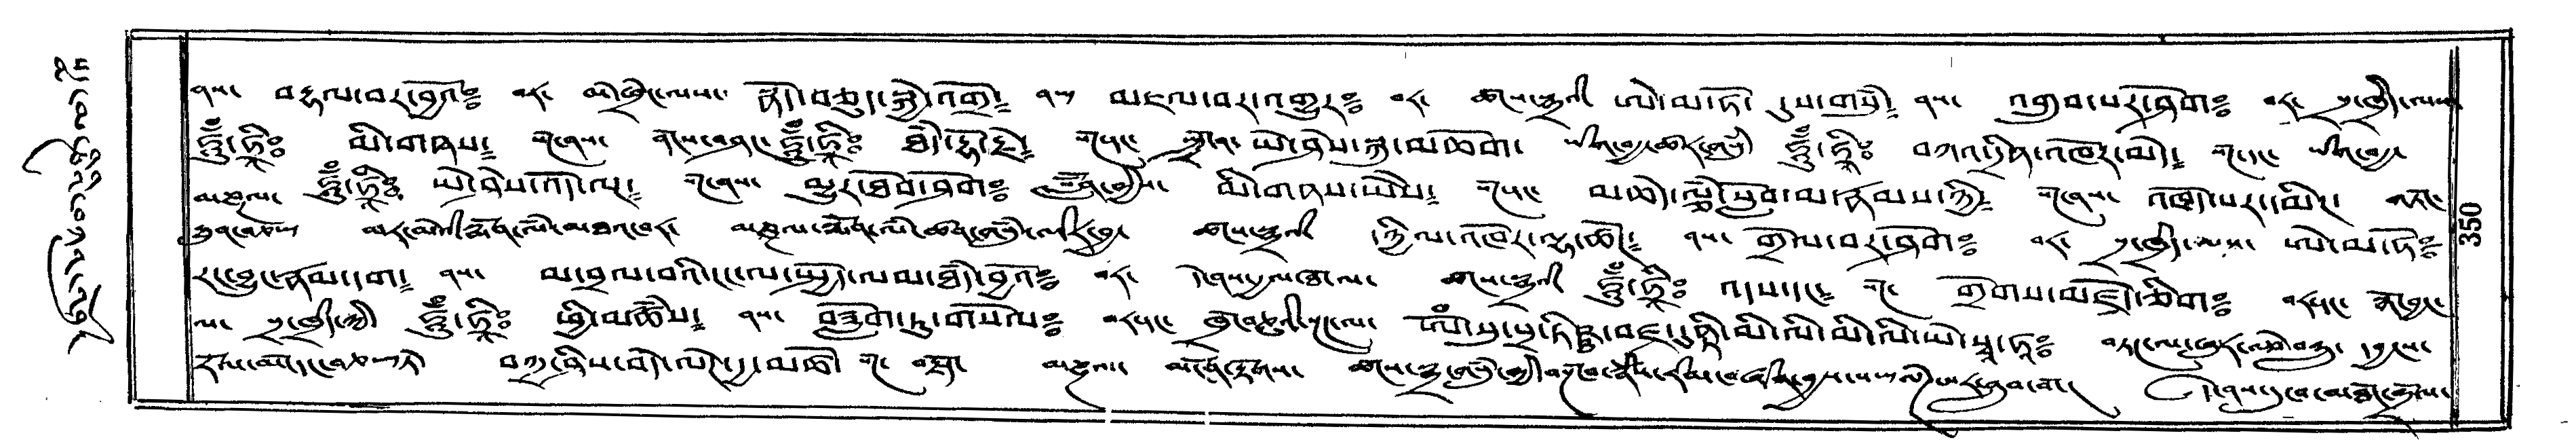ནས། བརྡལ་བར་བྱའོ༔ བར། མེ་ཕྲེང་ལས། སྣོད་བཅུད་སྐྱེ་འགྲོ༴ ནས། མཇལ་བར་གྱུར༔ བར། ཚངས་སྒྲའི། ཨེ་མ་ཧོཿ དུས་གསུམ༴ ནས། འགྲུབ་པར་ཤོག༔ བར། པྲ་ཁྲིད་ལས། 
ཧཱུྃ་ཧྲཱིཿ མི་གནས༴ སོགས་ནས། ནོངས་བཤགས། ཧཱུྃ་ཧྲཱིཿ ཐམས་ཅད་རྡོ་རྗེ༴ སོགས་དང་། སྤྲོ་ན། ཡེ་ཤེས་སྐུ་མཆོག༴ ཡིག་བརྒྱ་ཚར་གསུམ། ཧཱུྃ་ཧྲཱིཿ བཀའ་དྲིན་འཁོར་མེད༴ སོགས་དང་། ཡིག་བརྒྱ། 
མཎྜལ། ཧཱུྃ་ཧྲཱིཿ ཡེ་ཤེས་འོད་ལྔ༴ སོགས་ནས། མྱུར་ཐོབ་ཤོག༔ སློབ་དཔོན་གྱིས། མི་གནས་ཡེ་ཤེས༴ སོགས་དང་། མཆེད་ལྕམ་སློབ་མ་རྣམས་ཀྱི༴ སོགས་ནས། འཁོད་པར་དམིགས། གཏོང་
ཐུན་བཅས། མར་མེའི་སྨོན་ལམ་མཐའ་བར། མཎྜལ་སྨོན་ལམ་ཚན་གསུམ་འདིར་བྱ། ཚངས་སྒྲའི། དཀྱིལ་འཁོར་ལྷ་ཚོགས༴ ནས། གྲོལ་བར་ཤོག༔ བར། པྲ་ཁྲིད་ལས། ཨེ་མ་ཧོ༔ 
རང་བྱུང་རྣམ་དག༴ ནས། མ་བྲལ་བའི་ངང་ལ་སྤྱོད་ལམ་ཐམས་ཅད་བྱའོ༔ བར། དེ་ནས་རྒྱལ་ཐོ་ལ། ཚངས་སྒྲའི། ཧཱུྃ་ཧྲཱིཿ འདས་དང༴ སོགས། གྲོགས་མཛོད་ཅིག༔ བར་དང་། སྒོ་བྱང་
ལ། པྲ་ཁྲིད་ཀྱི། ཧཱུྃ་ཧྲཱིཿ ཕྱི་མཚམས༴ ནས། བཟློག་ཏུ་གསོལ༔ བར་དང་། ཁྲོ་བཅུའི་སྔགས་ལ། ཨོཾ་སུ་པྲ་ཏིཥྛ་བཛྲ་དུནྟི་མི་ལི་མི་ལི་ཡེ་སྭ་ཧཱ༔ བཏགས་ལ་ཕུར་རྩེ་བཀྲུ། དབྱངས་
རོལ་མོ་དང་བཅས་ཏེ། བཀྲ་ཤིས་བདེ་ལེགས་རྒྱ་མཚོ༴ སོགས། བརྗོད། མཎྜལ། མངོན་རྟོགས། ཚངས་སྒྲ་གསུམ་གྱི་བསྔོ་བ་རྣམས་རིམ་བཞིན་བྱས་པས་ལེགས་པར་གྲུབ་པོ།། དེ་ནས་དུ་བ་མཐོང་གྲོལ།